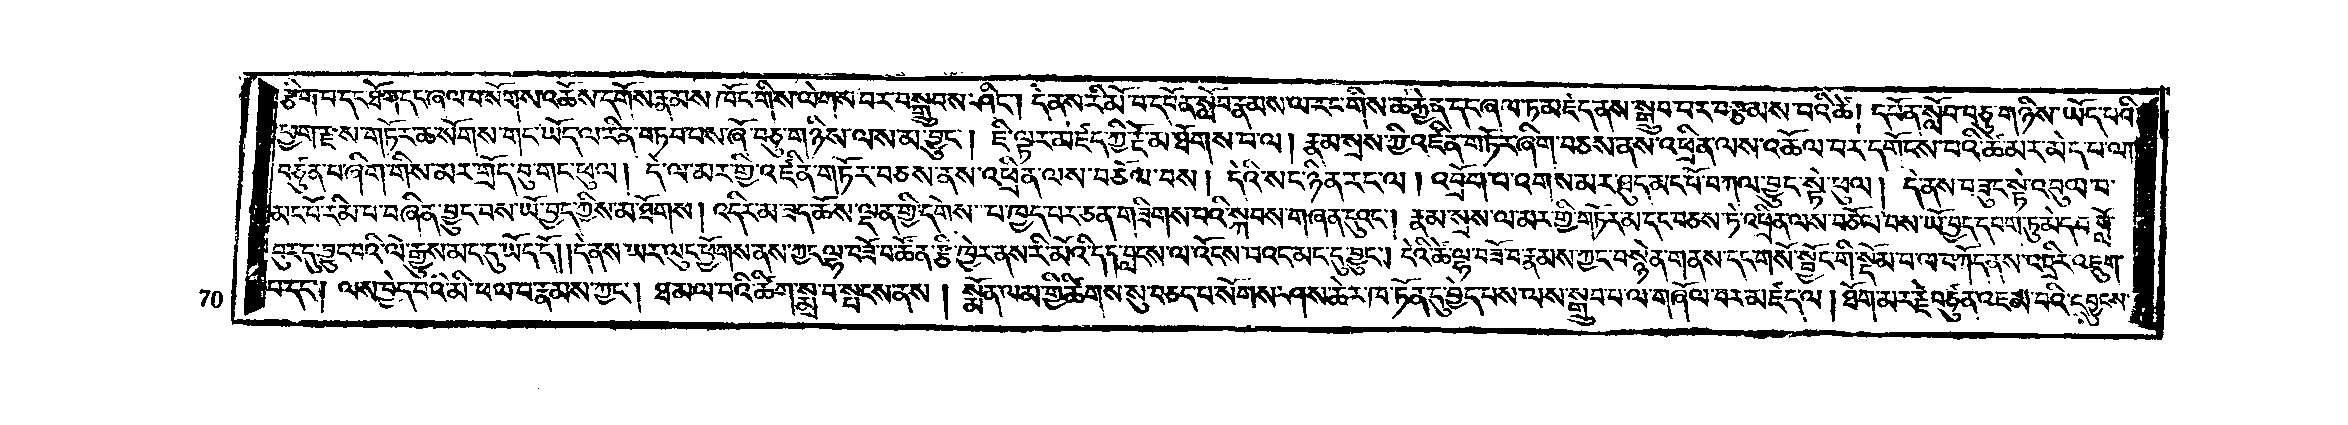རྩིག་པ་དང་ཐོག་དང་ཞལ་བ་སོགས་འཆོས་དགོས་རྣམས་ཁོང་གིས་ལེགས་པར་བསྒྲུབས་ཤིང་། དེ་ནས་རི་མོ་བ་དཔོན་སློབ་རྣམས་ལ་རང་གིས་ཆེ་རྐྱེན་དང་ཞལ་ཏ་མཛད་ནས་སྒྲུབ་པར་བརྩམས་པའི་ཚེ། དཔོན་སློབ་བཅུ་གཉིས་ཡོད་པའི་
ཕྱག་རྫས་གཏོར་ཆ་སོགས་གང་ཡོད་ལ་རིན་བཏབ་པས་ཞོ་བཅུ་གཉིས་ལས་མ་བྱུང་། ཇི་ལྟར་མཛད་ཀྱི་རྔོ་མ་ཐོགས་པ་ལ། རྣམ་སྲས་ཀྱི་འཛིན་གཏོར་ཞིག་བཅས་ནས་འཕྲིན་ལས་འཆོལ་བར་དགོངས་པའི་ཚེ་མར་མེད་པ་ལ།
བཙུན་པ་ཞིག་གིས་མར་གྲོད་བུ་གང་ཕུལ། དེ་ལ་མར་གྱི་འཛིན་གཏོར་བཅས་ནས་འཕྲིན་ལས་བཅོལ་བས། དེའི་སང་ཉིན་རང་ལ། འབྲོག་པ་འགས་མར་ཐུད་མང་པོ་བཀལ་བྱུང་སྟེ་ཕུལ། དེ་ནས་བཟུང་སྟེ་འབུལ་བ་
མང་པོ་རིམ་པ་བཞིན་བྱུང་བས་ཡོ་བྱད་ཀྱིས་མ་ཐོགས། འདིར་མ་ཟད་ཆོས་ལྡན་གྱི་དགེས་པ་ཁྱད་པར་ཅན་གཟིགས་པའི་སྐབས་གཞན་དུའང་། རྣམ་སྲས་ལ་མར་གྱི་གཏོར་མ་དང་བཅས་ཏེ་འཕྲིན་ལས་བཅོལ་བས་ཡོ་བྱད་དཔག་ཏུ་མེད་པ་སློ་
བུར་དུ་བྱུང་བའི་ལེ་རྒྱུས་མང་དུ་ཡོད་དོ། །དེ་ནས་ཡར་ལུང་ཕྱོགས་ནས་ཀྱང་ལྷ་བཟོ་བ་ཚོན་རྩི་ཁྱེར་ནས་རི་མོའི་དད་བླངས་ལ་འོངས་པའང་མང་དུ་བྱུང་། དེའི་ཚེ་ལྷ་བཟོ་བ་རྣམས་ཀྱང་བསྙེན་གནས་དང་གསོ་སྦྱོང་གི་སྡོམ་པ་ལ་བཀོད་ནས་འདྲིར་འཇུག་
པ་དང་། ལས་བྱེད་པའི་མི་ཕལ་བ་རྣམས་ཀྱང་། ཐ་མལ་བའི་ཚིག་སྨྲ་བ་སྤངས་ནས། སྨོན་ལམ་གྱི་ཚིགས་སུ་བཅད་པ་སོགས་ཤས་ཆེར་ཁ་ཏོན་དུ་བྱེད་པས་ལས་སྒྲུབ་པ་ལ་གཞོལ་བར་མཛད་ལ། ཐོག་མར་རྗེ་བཙུན་འཇམ་པའི་དབྱུངས་